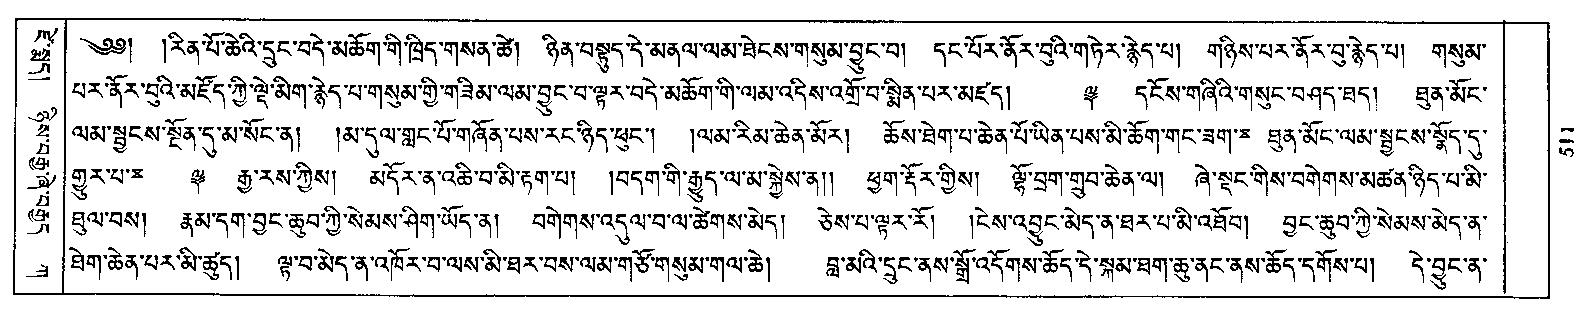༄༅། །རིན་པོ་ཆེའི་དྲུང་བདེ་མཆོག་གི་ཁྲིད་གསན་ཚེ། ཉིན་བསྟུད་དེ་མནལ་ལམ་ཐེངས་གསུམ་བྱུང་བ། དང་པོར་ནོར་བུའི་གཏེར་རྙེད་པ། གཉིས་པར་ནོར་བུ་རྙེད་པ། གསུམ་
པར་ནོར་བུའི་མཛོད་ཀྱི་ལྡེ་མིག་རྙེད་པ་གསུམ་གྱི་གཟིམ་ལམ་བྱུང་བ་ལྟར་བདེ་མཆོག་གི་ལམ་འདིས་འགྲོ་བ་སྨིན་པར་མཛད། ༈ དངོས་གཞིའི་གསུང་བཤད་ཐད། ཐུན་མོང་
ལམ་སྦྱངས་སྔོན་དུ་མ་སོང་ན། །མ་དུལ་གླང་པོ་གཞོན་པས་རང་ཉིད་ཕུང་། །ལམ་རིམ་ཆེན་མོར། ཆོས་ཐེག་པ་ཆེན་པོ་ཡིན་པས་མི་ཆོག་གང་ཟག་྾་ཐུན་མོང་ལམ་སྦྱངས་སྣོད་དུ་
གྱུར་པ་྾་༈ རྒྱ་རས་ཀྱིས། མདོར་ན་འཆི་བ་མི་རྟག་པ། །བདག་གི་རྒྱུད་ལ་མ་སྐྱེས་ན།། ཕྱག་རྡོར་གྱིས། ལྷོ་བྲག་གྲུབ་ཆེན་ལ། ཞེ་སྡང་གིས་བགེགས་མཚན་ཉིད་པ་མི་
ཐུལ་བས། རྣམ་དག་བྱང་ཆུབ་ཀྱི་སེམས་ཤིག་ཡོད་ན། བགེགས་འདུལ་བ་ལ་ཚེགས་མེད། ཅེས་པ་ལྟར་རོ། །ངེས་འབྱུང་མེད་ན་ཐར་པ་མི་འཐོབ། བྱང་ཆུབ་ཀྱི་སེམས་མེད་ན་
ཐེག་ཆེན་པར་མི་ཚུད། ལྟ་བ་མེད་ན་འཁོར་བ་ལས་མི་ཐར་བས་ལམ་གཙོ་གསུམ་གལ་ཆེ། བླ་མའི་དྲུང་ནས་སྒྲོ་འདོགས་ཆོད་དེ་སྐ་མཐག་ཆུ་ནང་ནས་ཆོད་དགོས་པ། དེ་བྱུང་ན་